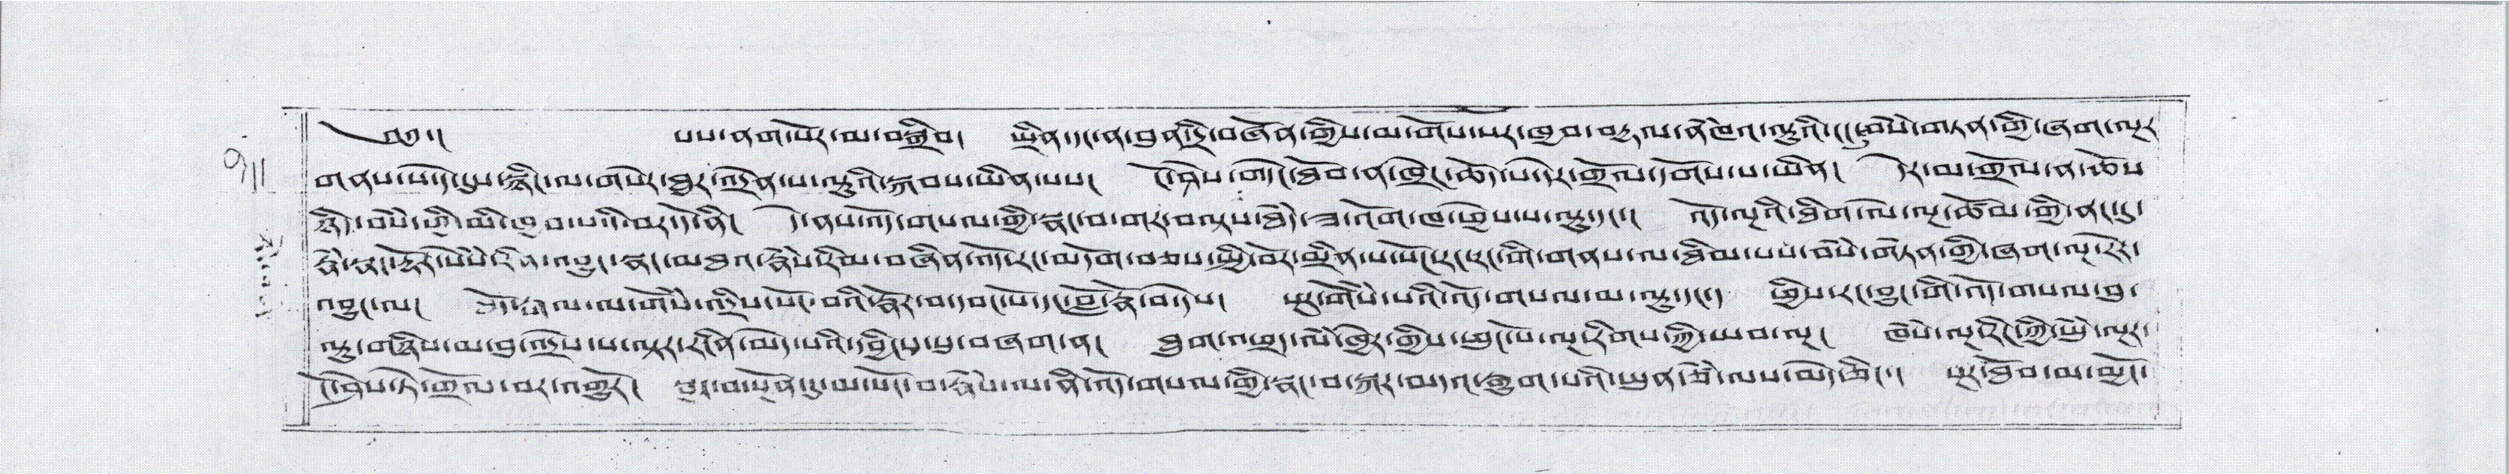པས་ནག་པོར་མ་བསྒྲིབ། སྤྲིན་དང་ན་བུན་དྲི་བཞོན་གྱིས་མ་གོས་པར་ཁྱབ་བརྡལ་ནམ་མཁའ་ལྟ་བུའི་ངང་དུ་བསམ་གཏན་གྱི་ཞག་ལྔར་
གནས་ས་དེ་དུས་སྙིང་ལ་གསེར་ཐུར་འདྲེན་པ་ལྟ་བུའི་སྐབས་ཡིན་པས། ངོ་ཤེས་གདེང་ཐོབ་ན་ཁྲེགས་ཆོད་པ་དེར་གྲོལ་དགོས་པ་ཡིན། དེར་མ་གྲོལ་ན་ཆོས་
ཉིད་བསམ་གྱི་མི་ཁྱབ་པའི་བར་དོ་ནི། དེ་ནས་འོད་གསལ་གྱི་སྣང་བ་གར་བལྟས་ཐམས་ཅད་ཟ་འོག་ཁ་ཕྱེས་པ་ལྟ་བུ་དང། འོད་ལྔའི་ཐིག་ལེ་ལྔ་ཚོམ་གྱི་ནང་དུ་
རྣམ་སྣང་རྡོར་སེམས་རིན་འབྱུང་སྣང་མཐའ་རྣམས་རིམ་བཞིན་འོད་རང་མདོག་བཅས་སྤྱི་བོར་མགྲིན་པ་སོགས་རང་རང་གི་གནས་ལ་ཐིམ་པས་བསམ་གཏན་གྱི་ཞག་ལྔ་རེར་
འབྱུང་ལ། ཐོད་རྒལ་མ་གོམས་འདྲིས་སོང་བའི་རྣལ་འབྱོར་བ་དབང་པོ་དང་བློ་རྣོ་བ་དེས། སྔར་གོམས་པའི་འོད་གསལ་མ་ལྟ་བུ་དང། ཕྱིས་རང་བྱུང་གི་འོད་གསལ་བུ་
ལྟ་བུ་གཉིས་མ་བུ་འདྲེས་པ་ལྟར་རང་བཞིན་མེད་པའི་དབྱིངས་སུ་བཞག་ན། ཐུག་འཕྲད་ལམ་ཁྱེར་གྱིས་ཕུང་པོ་ལྔ་རིགས་ཀྱི་ཡབ་ལྔ། ཁམས་ལྔ་རིགས་ཀྱི་ཡུམ་ལྔར་
ངོ་ཤེས་ཏེ་གྲོལ་བར་འགྱུར་རོ། སྦྱང་བ་སྔོན་དུ་མ་སོང་བ་རྣམས་ལ་ནི་འདོ་གསལ་གྱི་སྣང་བ་སྐར་མདའ་རྒྱུག་པའི་ཡུན་ཙམ་ལས་མེད་ཅིང། སྔར་ཐོབ་མ་མྱོང་